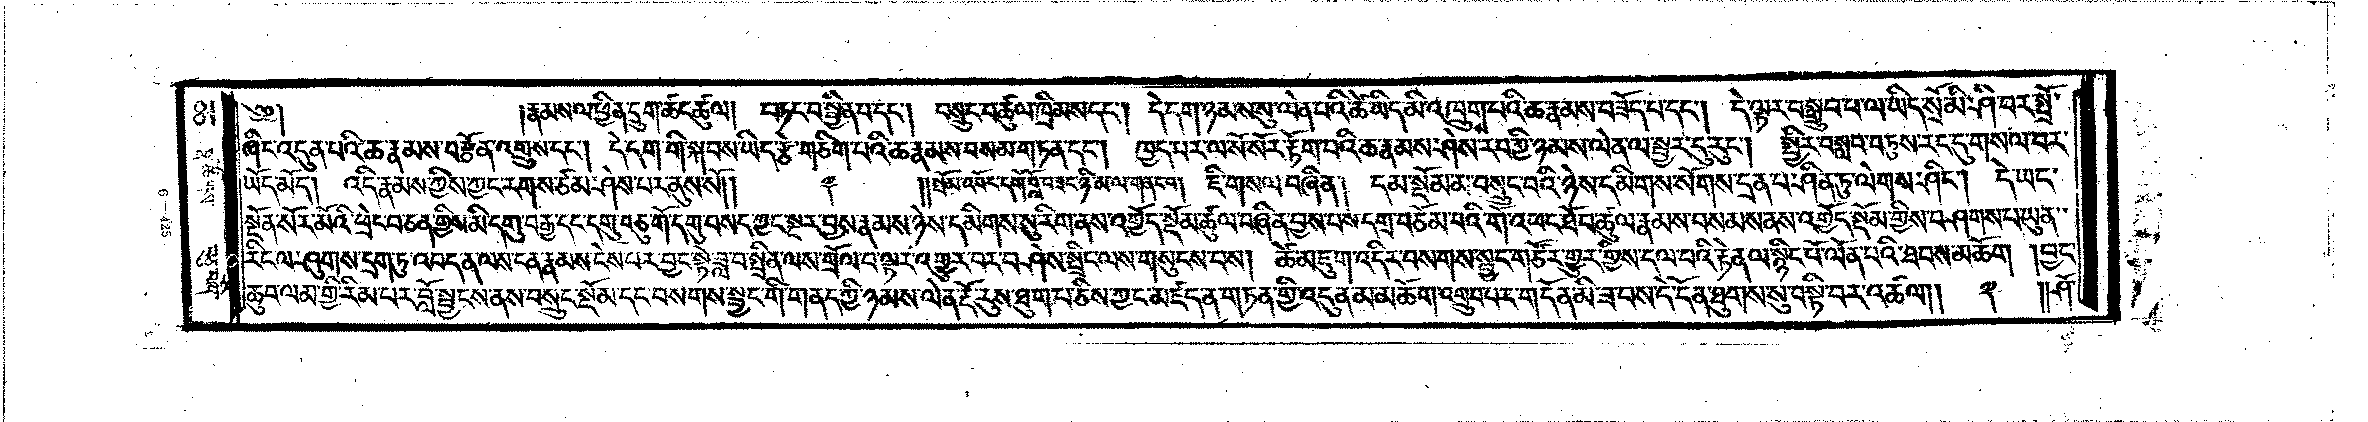༄༅། །རྣམས་ལ་ཕྱིན་དྲུག་ཚང་ཚུལ། བཏང་བ་སྦྱིན་བ་དང་། བསྲུང་བ་ཚུལ་ཁྲིམས་དང་། དེ་དག་ཉམས་སུ་ལེན་པའི་ཚེ་ཡིད་མི་འཁྲུག་པའི་ཆ་རྣམས་བཟོད་པ་དང་། དེ་ལྟར་བསྒྲུབ་པ་ལ་ཡིད་སྲོ་མི་ཤི་བར་སྤྲོ་
ཞིང་འདུན་པའི་ཆ་རྣམས་བརྩོན་འགྲུས་དང་། དེ་དག་གི་སྐབས་ཡིད་རྩེ་གཅིག་པའི་ཆ་རྣམས་བསམ་གཏན་དང་། ཁྱད་པར་ལ་སོ་སོར་རྟོག་པའི་ཆ་རྣམས་ཤེས་རབ་ཀྱི་ཉམས་ལེན་ལ་སྦྱར་དུ་རུང་། སྤྱིར་བསླབ་བཏུས་རང་དུ་གསལ་བར་
ཡོད་མོད། འདི་རྣམས་ཀྱིས་ཀྱང་རགས་ཙམ་ཤེས་པར་ནུས་སོ།། ༈ །།སྤོམ་འབོར་དགེ་བློ་བཟང་ཉི་མ་ལ་གནང་བ།  ཇི་གསལ་བཞིན། དམ་སྡོམ་མ་བསྲུང་བའི་ཉེས་དམིགས་སོགས་དྲན་པ་ཤིན་ཏུ་ལེགས་ཤིང་། དེ་ཡང་
སྔོན་སོར་མོའི་ཕྲེང་བ་ཅན་གྱིས་མི་དགུ་བརྒྱ་དང་དགུ་བཅུ་གོ་དགུ་བསང་ཀྱང་སྔར་བྱས་རྣམས་ཉེས་དམིགས་སུ་རིག་ནས་འགྱོད་སྡོམ་ཚུལ་བཞིན་བྱས་པས་དགྲ་བཅོམ་བའི་གོ་འཕང་ཐོབ་ཚུལ་རྣམས་བསམས་ནས་འགྱོད་སྡོམ་གྱིས་བཤགས་པ་ཡུན་
རིང་ལ་ཤུགས་དྲག་ཏུ་འབད་ན་ལས་ངན་རྣམས་ངེས་པར་བྱང་སྟེ་ཟླ་བ་སྤྲིན་ལས་གྲོལ་བ་ལྟར་འགྱུར་བར་བཤེས་སྤྲིང་ལས་གསུངས་པས། ཚེ་མཇུག་འདིར་བསགས་སྦྱང་གཙོར་གྱུར་གྱིས་དལ་བའི་རྟེན་ལ་སྙིང་པོ་ལོན་པའི་ཐབས་མཆོག །བྱང་
ཆུབ་ལམ་གྱི་རིམ་པར་བློ་སྦྱངས་ནས་བསྲུང་སྡོམ་དང་བསགས་སྦྱང་གི་གནད་ཀྱི་ཉམས་ལེན་རྡོ་རུས་ཐུག་པ་ཅིས་ཀྱང་མཛད་ན་གཏན་གྱི་འདུན་མ་མཆོག་འགྲུབ་པར་གདོན་མི་ཟ་བས་དེ་དོན་ཐུགས་སུ་བསྟི་བར་འཚལ།། ༈ །།ཤོ་